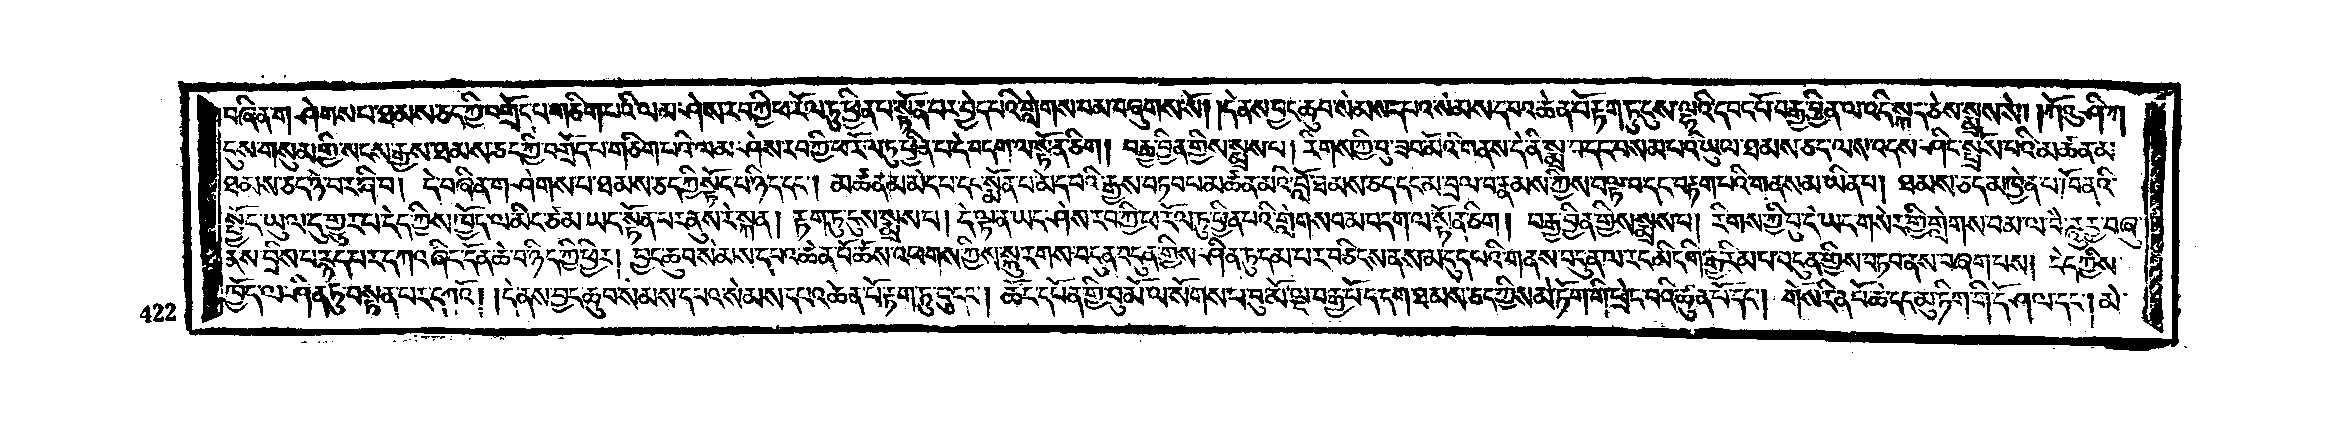བཞིན་གཤེགས་པ་ཐམས་ཅད་ཀྱི་བགྲོད་པ་གཅིག་པའི་ལམ་ཤེས་རབ་ཀྱི་ཕ་རོལ་ཏུ་ཕྱིན་པ་སྟོན་པར་བྱེད་པའི་གླེགས་བམ་བཞུགས་སོ། །དེ་ནས་བྱང་ཆུབ་སེམས་དཔའ་སེམས་དཔའ་ཆེན་པོ་རྟག་ཏུ་ངུས་ལྷའི་དབང་པོ་བརྒྱ་བྱིན་ལ་འདི་སྐད་ཅེས་སྨྲས་སོ། །ཀོའུ་ཤི་ཀ་
དུས་གསུམ་གྱི་སངས་རྒྱས་ཐམས་ཅད་ཀྱི་བགྲོད་པ་གཅིག་པའི་ལམ་ཤེས་རབ་ཀྱི་ཕ་རོལ་ཏུ་ཕྱིན་པ་དེ་བདག་ལ་སྟོན་ཅིག། བརྒྱ་བྱིན་གྱིས་སྨྲས་པ། རིགས་ཀྱི་བུ་ཟབ་མོའི་གནས་དེ་ནི་སྨྲ་བ་དང་བསམ་པའི་ཡུལ་ཐམས་ཅད་ལས་འདས་ཤིང་སྤྲོས་པའི་མཚན་མ་
ཐམས་ཅད་ཉེ་བར་ཞི་བ། དེ་བཞིན་གཤེགས་པ་ཐམས་ཅད་ཀྱི་སྟོང་པ་ཉིད་དང་། མཚན་མ་མེད་པ་དང་སྨོན་པ་མེད་པའི་རྒྱས་བཏབ་པ་མཚན་མའི་བློ་ཐམས་ཅད་དང་མ་བྲལ་བ་རྣམས་ཀྱིས་བལྟ་བ་དང་བརྟག་པའི་གནས་མ་ཡིན་པ། ཐམས་ཅད་མཁྱེན་པ་ཁོ་ནའི་
སྤྱོད་ཡུལ་དུ་གྱུར་པ་ངེད་ཀྱིས་ཁྱོད་ལ་མིང་ཙམ་ཡང་སྟོན་པར་ནུས་རེ་སྐན། རྟག་ཏུ་ངུས་སྨྲས་པ། དེ་ལྟ་ན་ཡང་ཤེས་རབ་ཀྱི་ཕ་རོལ་ཏུ་ཕྱིན་པའི་གླེགས་བམ་བདག་ལ་སྟོན་ཅིག། བརྒྱ་བྱིན་གྱིས་སྨྲས་པ། རིགས་ཀྱི་བུ་དེ་ཡང་གསེར་གྱི་གླེགས་བམ་ལ་བཻ་ཌཱུརྱ་བཞུ་
མས་བྲིས་པ་རྙེད་པར་དཀའ་ཞིང་དོན་ཆེ་བ་ཉིད་ཀྱི་ཕྱིར། བྱང་ཆུབ་སེམས་དཔའ་ཆེན་པོ་ཆོས་འཕགས་ཀྱིས་སྐུ་རགས་བདུན་བདུན་གྱིས་ཤིན་ཏུ་དམ་པར་བཅིངས་ནས་མདུད་པའི་གནས་བདུན་ལ་རང་མིང་གི་རྒྱ་རིམ་པ་བདུན་གྱིས་བཏབ་ནས་བཞག་པས། ངེད་ཀྱིས་
ཁྱོད་ལ་ཤིན་ཏུ་བསྟན་པར་དཀའོ། །དེ་ནས་བྱང་ཆུབ་སེམས་དཔའ་སེམས་དཔའ་ཆེན་པོ་རྟག་ཏུ་ངུ་དང་། ཚོང་དཔོན་གྱི་བུ་མོ་ལ་སོགས་པ་བུ་མོ་ལྔ་བརྒྱ་པོ་དེ་དག་ཐམས་ཅད་ཀྱིས་མེ་ཏོག་གི་ཕྲེང་བའི་ཚུན་པོ་དང་། གོས་རིན་པོ་ཆེ་དང་མུ་ཏིག་གི་དོ་ཤལ་དང་། མེ་